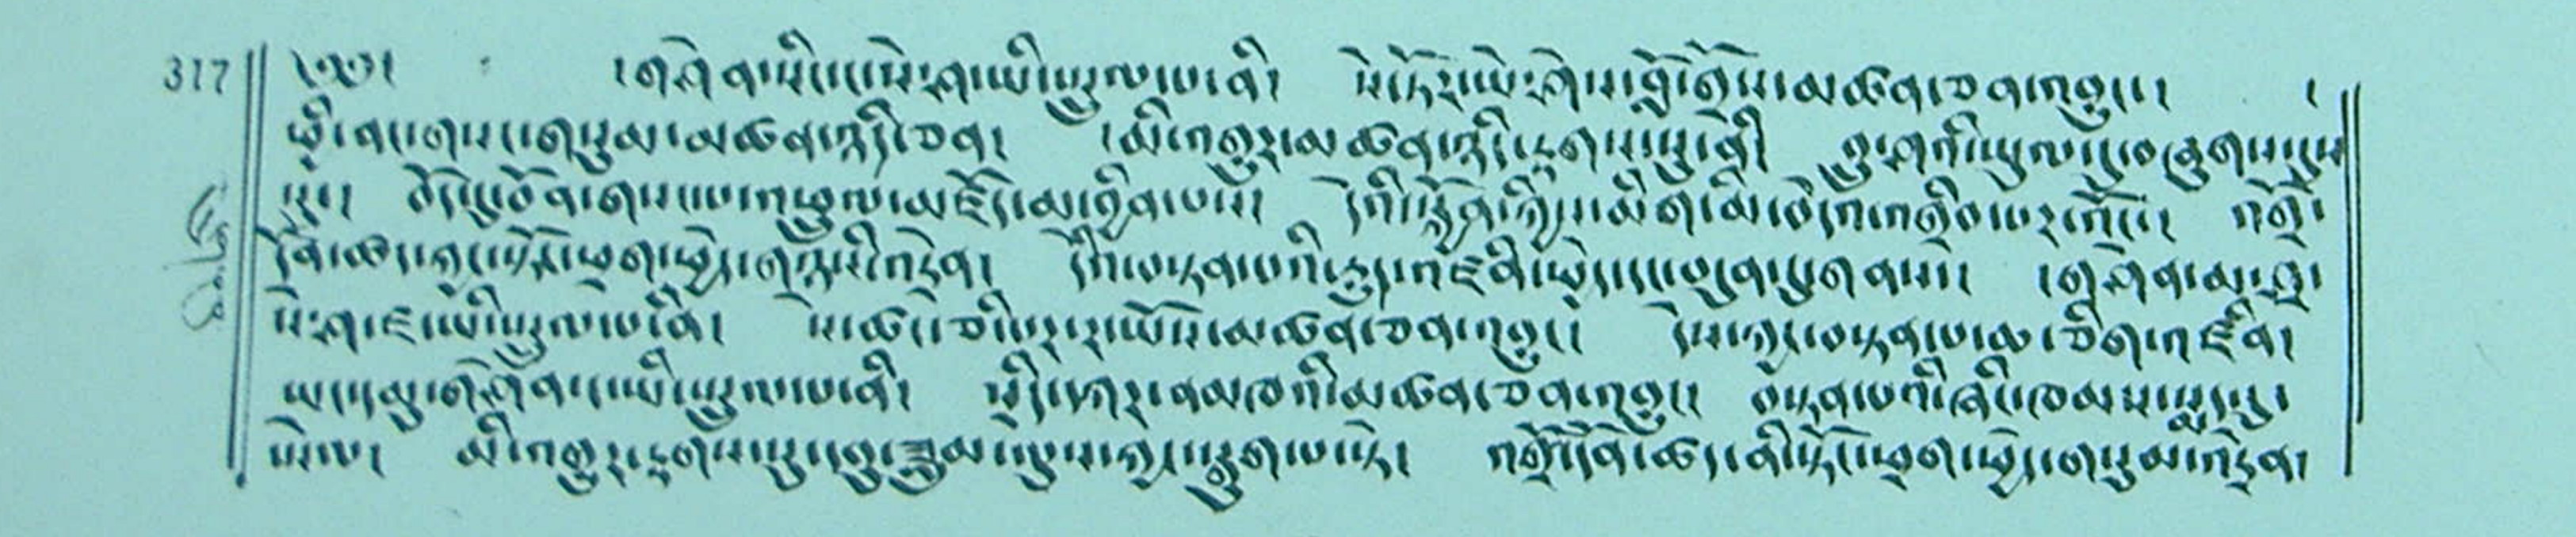༄༅། །གཤེན་སིང་ང་སེ་ཤའི་སྤྲུལ་པ་ནི། སེ་ཏོར་ཡེ་ཤེས་བློ་གྲོས་མཚན་ཅན་འབྱུང་། 
ཕྱི་ནང་གསང་གསུམ་མཚན་ཉིད་ཅན། མཚན་ཉིད་མི་འགྱུར་རྟགས་སུ་ནི། བྲུ་ཤའི་ཡུལ་དུ་བཞུགས་དུས་
སུ། བོད་དུ་བོན་གསང་བ་འཕྲུལ་མཛོད་མ་བྱིན་པས། དེའི་སྐྱོན་གྱི་མིག་མི་བདེ་འགྲིབ་པར་འོང་། འགྲོ་
དོན་ཚད་ཀྱང་སྟོང་ཕྲག་ཕྱེད་གཉིས་འདྲེན། དེའི་བསྟན་པའི་རྒྱུད་འཛིན་ཕྱེད་དང་བདུན་དུ་གནས། གཤེན་མ་ཤྲ་
སེ་ཤ་ཛ་ཡི་སྤྲུལ་པ་ནི། སེ་ཚང་ཅི་པར་ར་ཡོས་བྱ་བའི་མཚན་ཅན་འབྱུང་། དེས་ཀྱང་བསྟན་པ་ཆ་གཅིག་འཛིན། 
ཡང་དམུ་གཤེན་ང་ཡི་སྤྲུལ་པ་ནི། སྲིད་དཀར་ནམ་མཁའི་མཚན་ཅན་འབྱུང་། བསྟན་པའི་ཞིང་ཁམས་སྨད་དུ་
འཛིན། མི་འགྱུར་རྟགས་སུ་དབུ་ཟླུམ་ལུས་ཀྱང་སྒུག་པ་སྟེ། འགྲོ་དོན་ཚད་ནི་སྟོང་ཕྲག་ཕྱེད་གསུམ་འདྲེན།